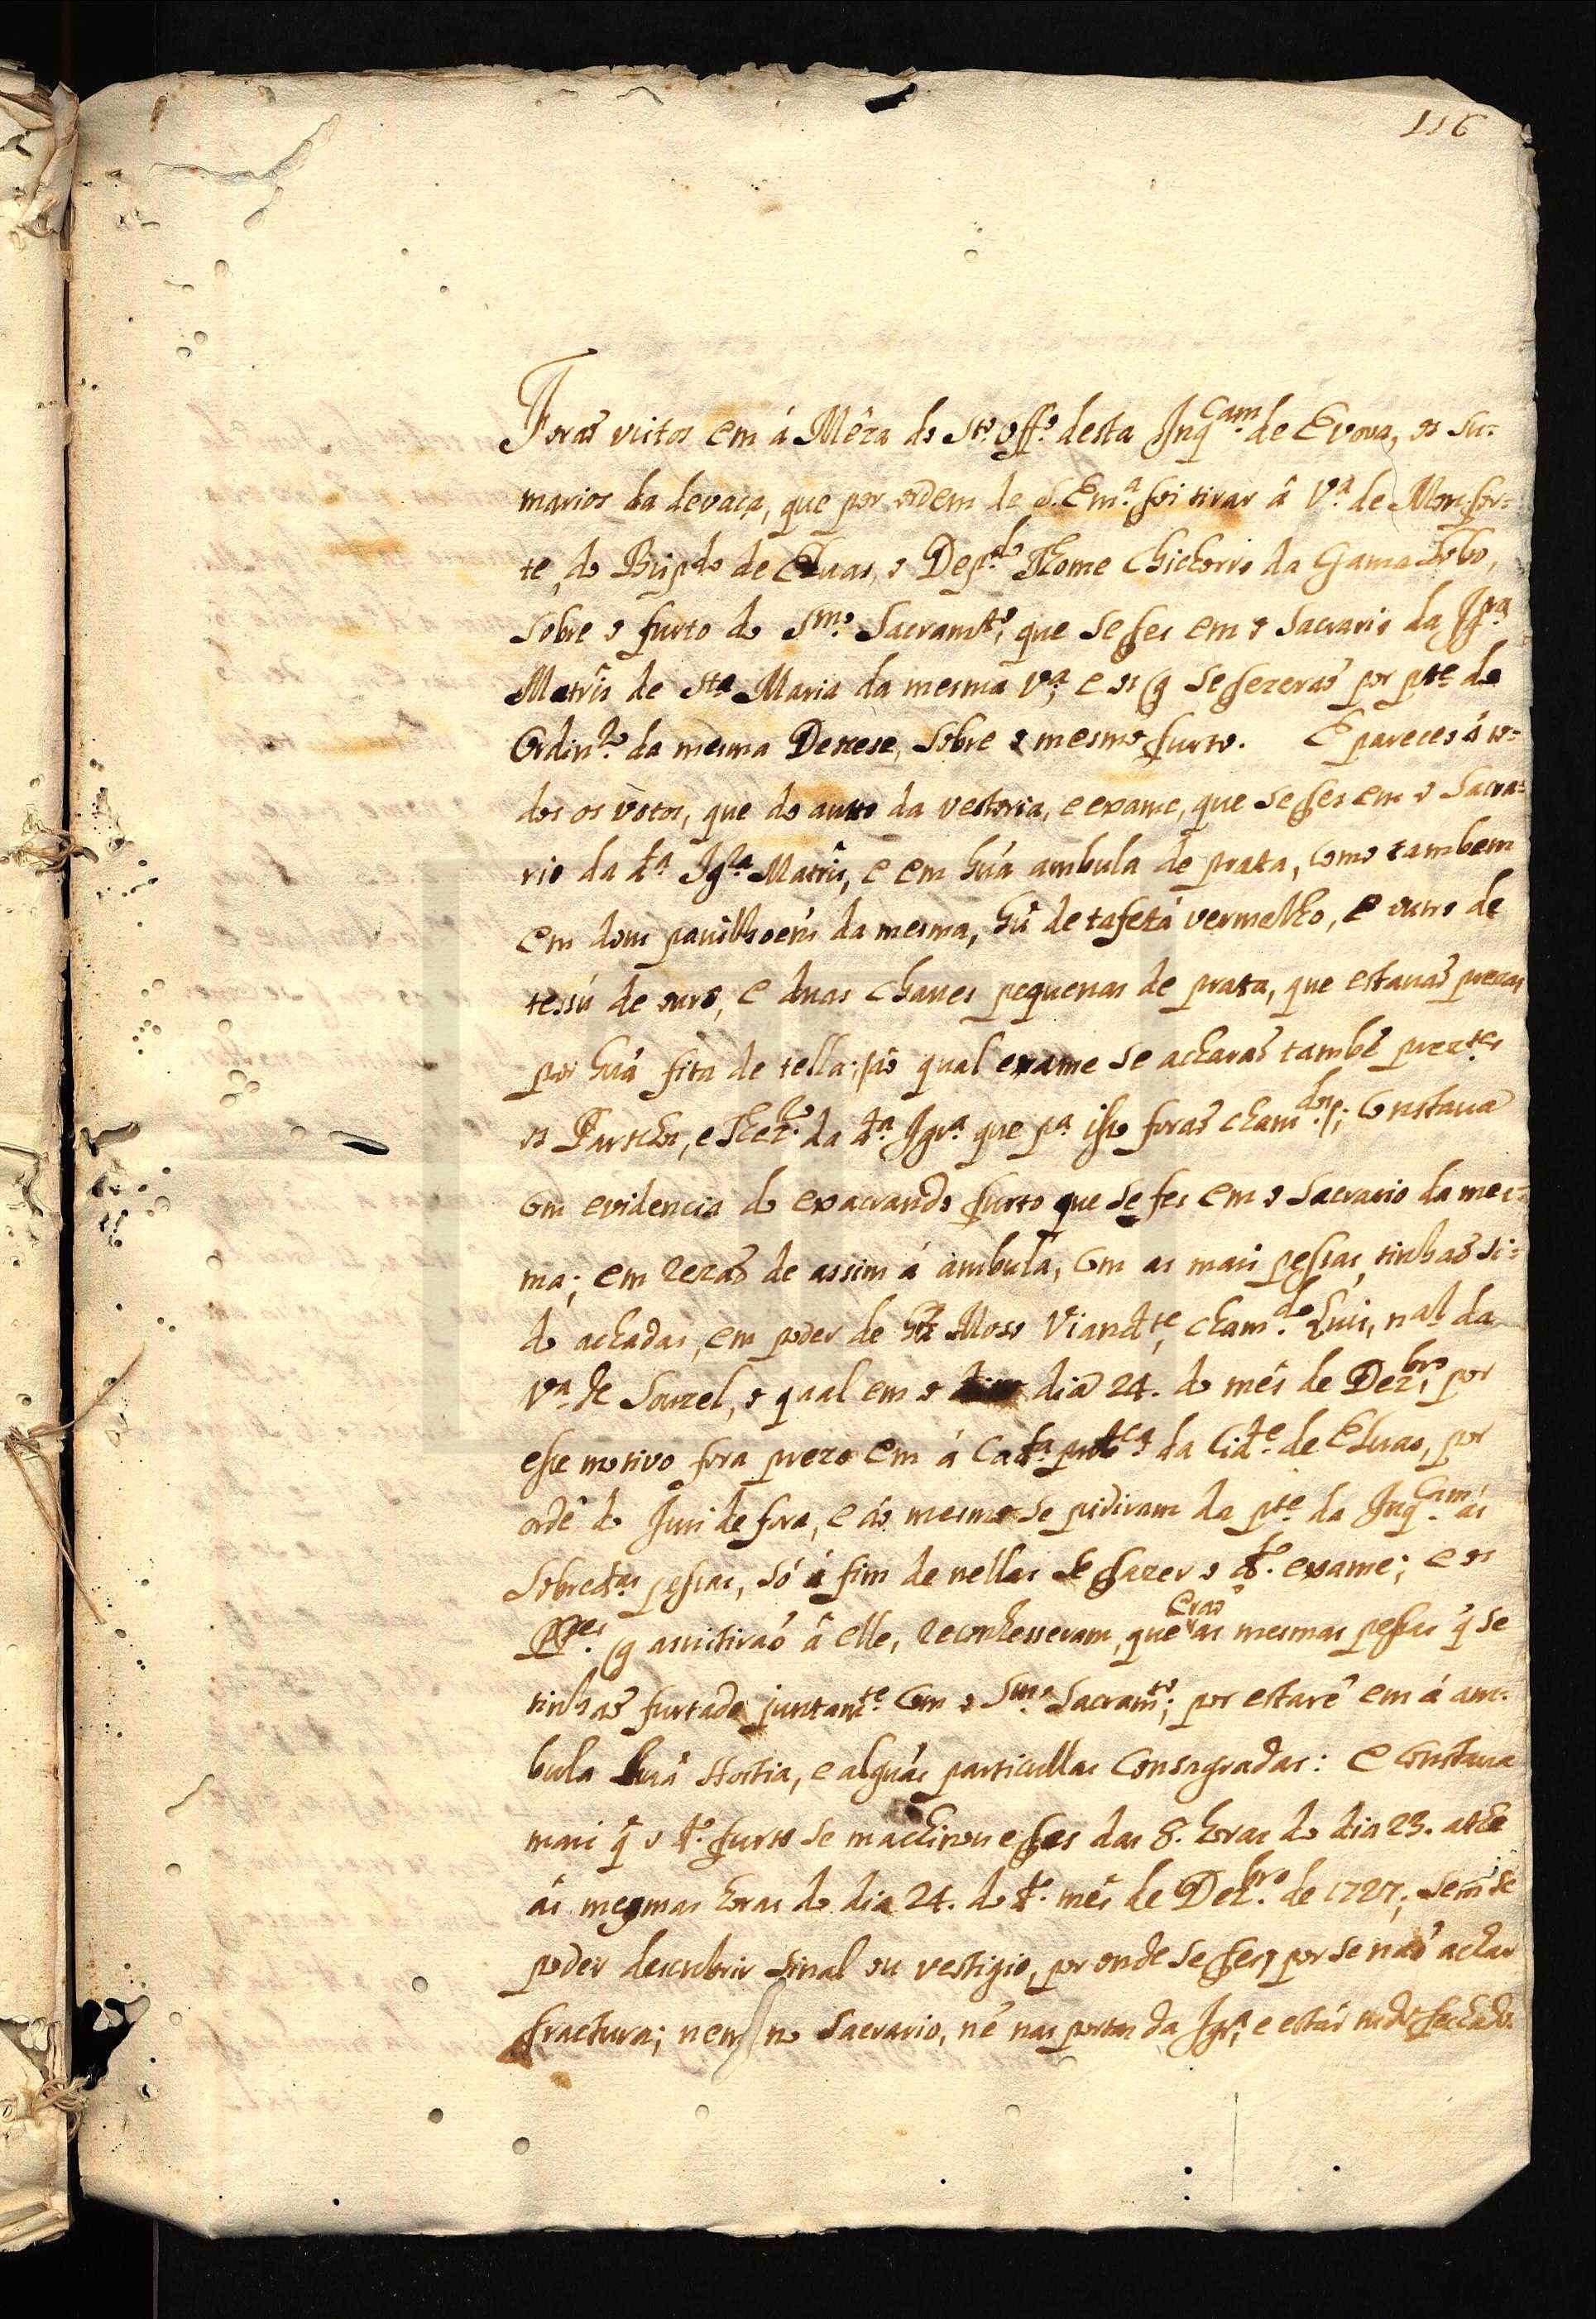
116
Foraõ vistos em á Mêza do s.to off.o desta Jnq.çam de Evora, os su
marios da devaça, que por ordem de S. Em.a foi tirar á V.a de Monfor
te, do Bispdo de Eluas, o Dep.do Thome Chichorro da Gama Lobo,
sobre o furto do Sm.o Sacramto, que se fes em o Sacrario da Jg.ra
Matris de st.a Maria da mesma Va; e os q̄ se fezeraõ por pt.e do
Ordin.ro da mesma Deocese, sobre o mesmo furto. E pareceo á to
dos os votos, que do autto da vestoria, e exame, que se fes em o Sacra
rio da d̄.a Ig.ra Matris, e em huā ambula de prata, como tambem
em dous pauilhoens da mesma, hū de tafetá vermelho, e outro de
tessú de ouro, e duas chaues pequenas de prata, que estauaõ prezas
por huā fita de tella; / áo qual exame se acharaõ tambē prez.tes
os Parochos, e Thez.ro da d̄.a. Jgr.a que p.a isso foraõ cham.dos /; constaua
com evidencia do exacrando furto que se fes em o Sacrario da mes
ma; em Rezaõ de assim á ambula, com as mais pessas tinhaõ si
do achadas, em poder de hū Moso Viand̄te, cham.do Luis, nal da
Va. de Souzel, o qual em o
dia 24. do mês de Dezbro, por
esse motivo fora prezo em á Cad̄a. pub̄ca. da Cid̄.e de Eluas, por
ordē do Juis de fora, e ao mesmo se pidiram da pt.e da Jnq.çam ás
sobred̄.as pessas, só á fim de nellas se fazer o d̄.o. exame; e os
eraõ
PP.es q̄ assistiraõ á elle, reconhesseram, que as mesmas pessas q̄ se
tinhaõ furtado juntam.te com o S.mo Sacramto; por estarē em á am
bula huā Hostia, e alguās particullas Consagradas: e constaua
mais q̄ o d̄.o furto se machinou e foi das 8. horas do dia 23. athe
as mesmas horas do dia 24. do d̄.o mês de Dez.bro de 1727; sem se
poder descubrir sinal ou vestigio, por onde se fes / por se naõ achar
fractura; nem no sacrario, nē nas portas da Jgra, e estar tudo fachado.
